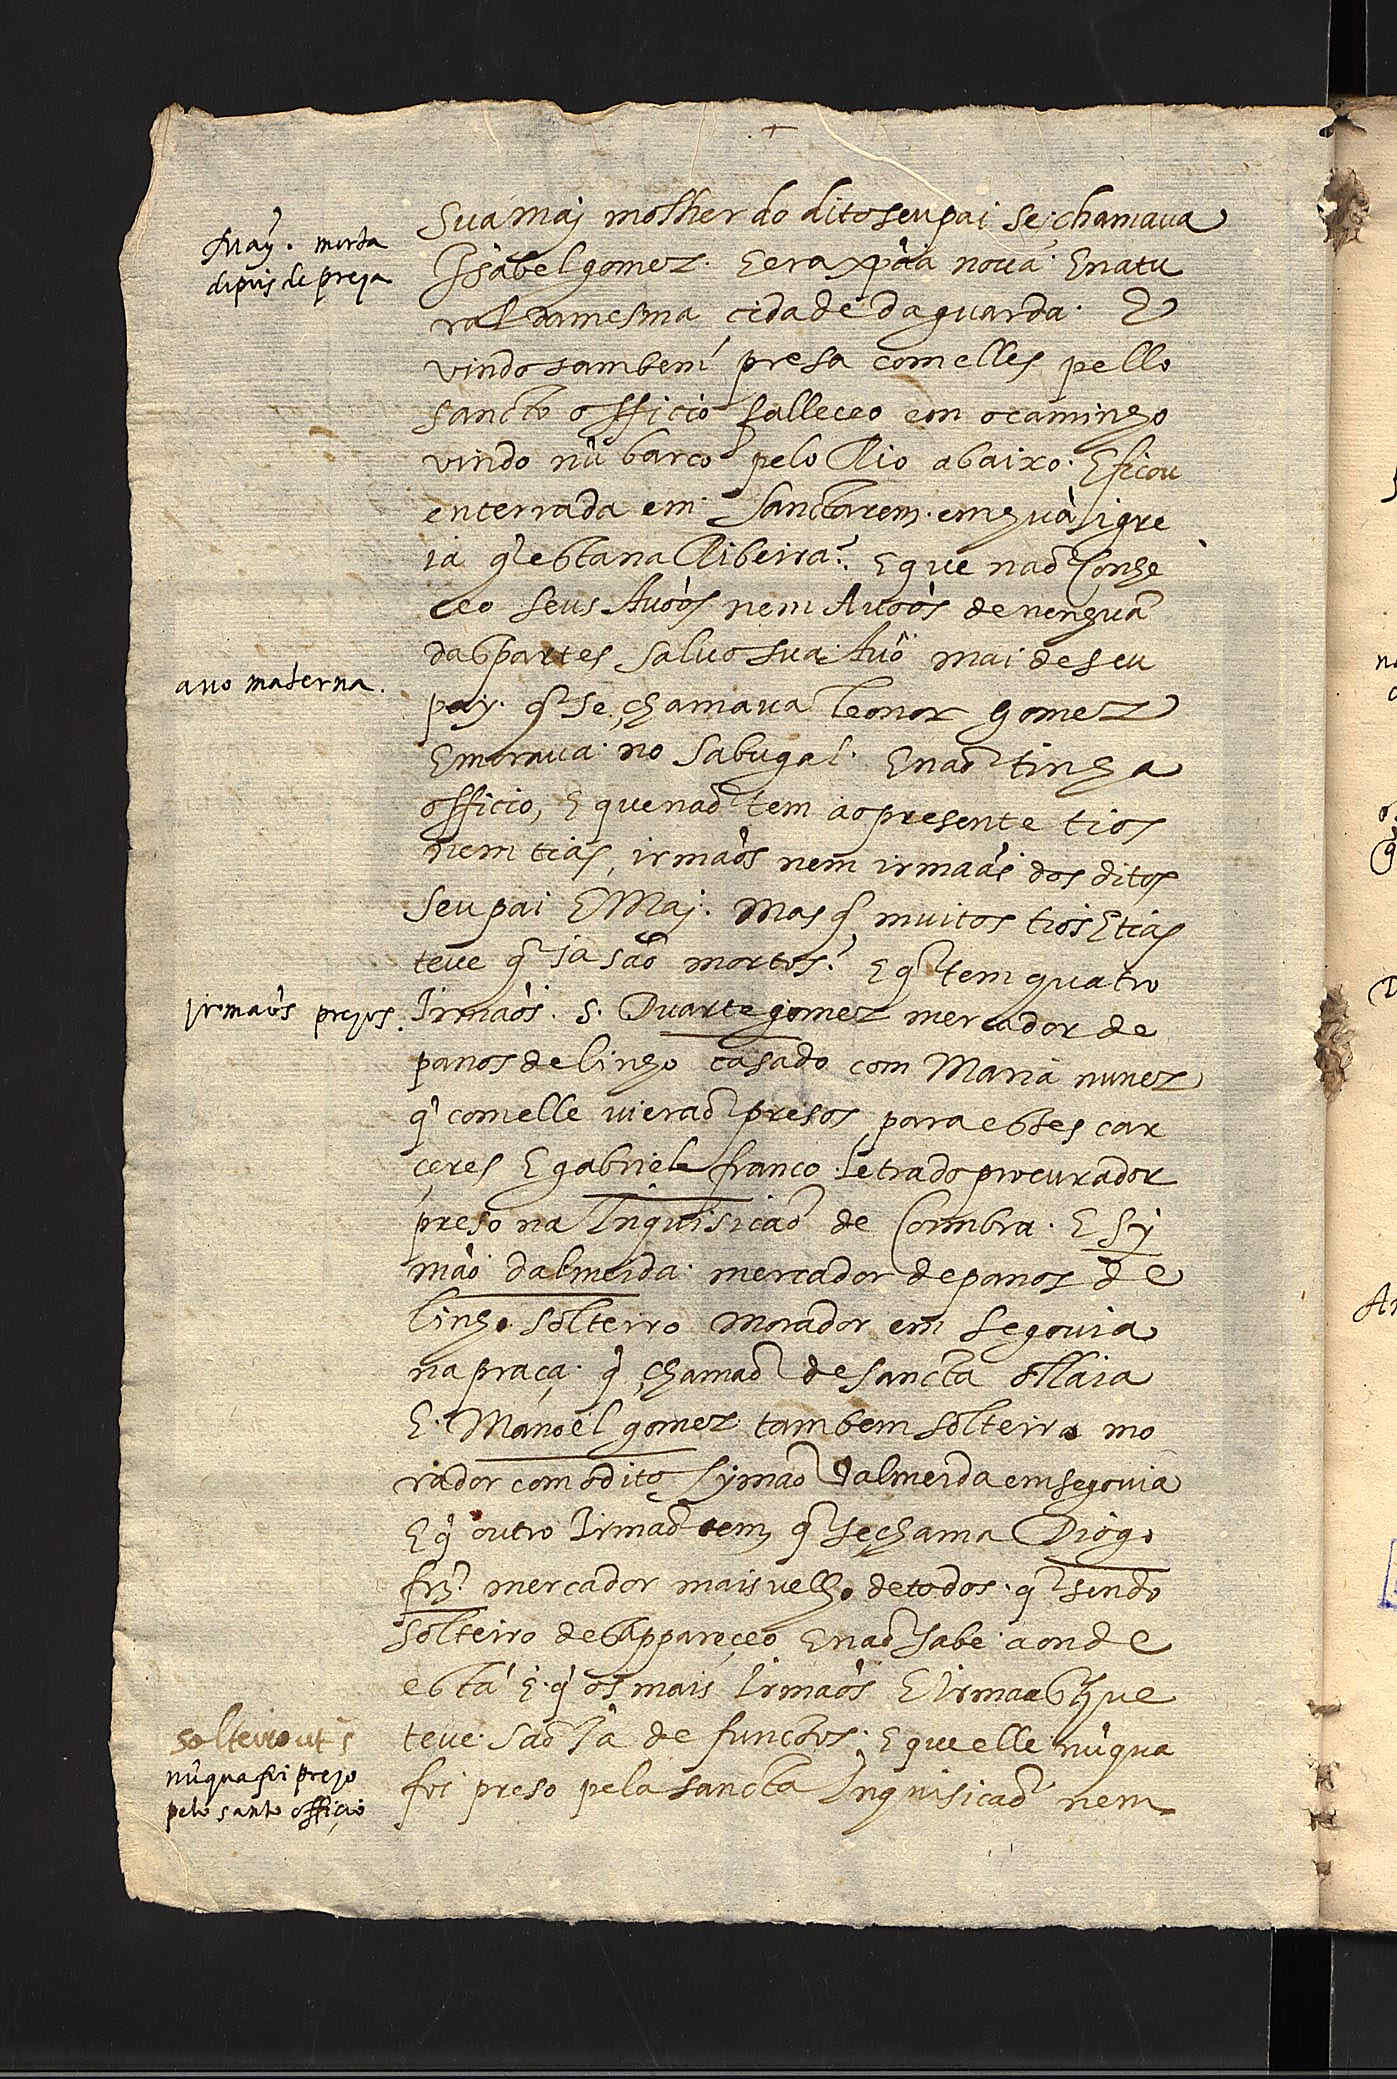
Sua maj molher do dito seu pai se çhamaua
Jsabel gomez. E era xpāa noua. E natu
tal da mesma çidade da guarda. E
vindo tambem presa com elles pello
Sancto officio falleceo em o caminho
vindo nū barco pelo Rio abaixo. E ficou
enterrada em Sanctarem. em huā igre
ia q̄ esta na Ribeira⹎ E que naõ Conhe
ceo seus Auoós nem Auoós de nenhuā
das partes Saluo sua Avô mai de seu
pay q̄ se çhamaua leonor gomez
E moraua no Sabugal. E naõ tinha
officio, E que naõ tem ao presente tios
nem tias, irmaõs nem irmaās dos ditos
seu pai E Maj. mas q̄ muitos tios E tias
teue q̄ ia saõ mortos⹎ E q̄ tem quatro
Irmaõs .s. Duarte gomez mercador de
panos de linho casado com Maria nunez
q̄ com elle uieraõ presos para estes car
çeres E gabriel franco. Letrado procurador
preso na Inquisicaõ de Coimbra. E Sy
maõ dalmeida. mercador de panos de
linho solteiro morador em Segouia
na praça. q̄ çhamaõ de Sancta ollaia
E Manoel gomez tambem solteiro mo
rador com o dito Symaõ dalmeida em segouia
E q̄ outro Irmaõ tem, q̄ se çhama Diogo
frz̄ mercador mais uelho de todos. q̄ sendo
solteiro desappareçeo E naõ sabe aonde
está E .q̄ os mais Irmaõs E Irmaas que
teue. saõ Ja defunctos E que elle nūqua
foi preso pela sancta Inquisicaõ nem
